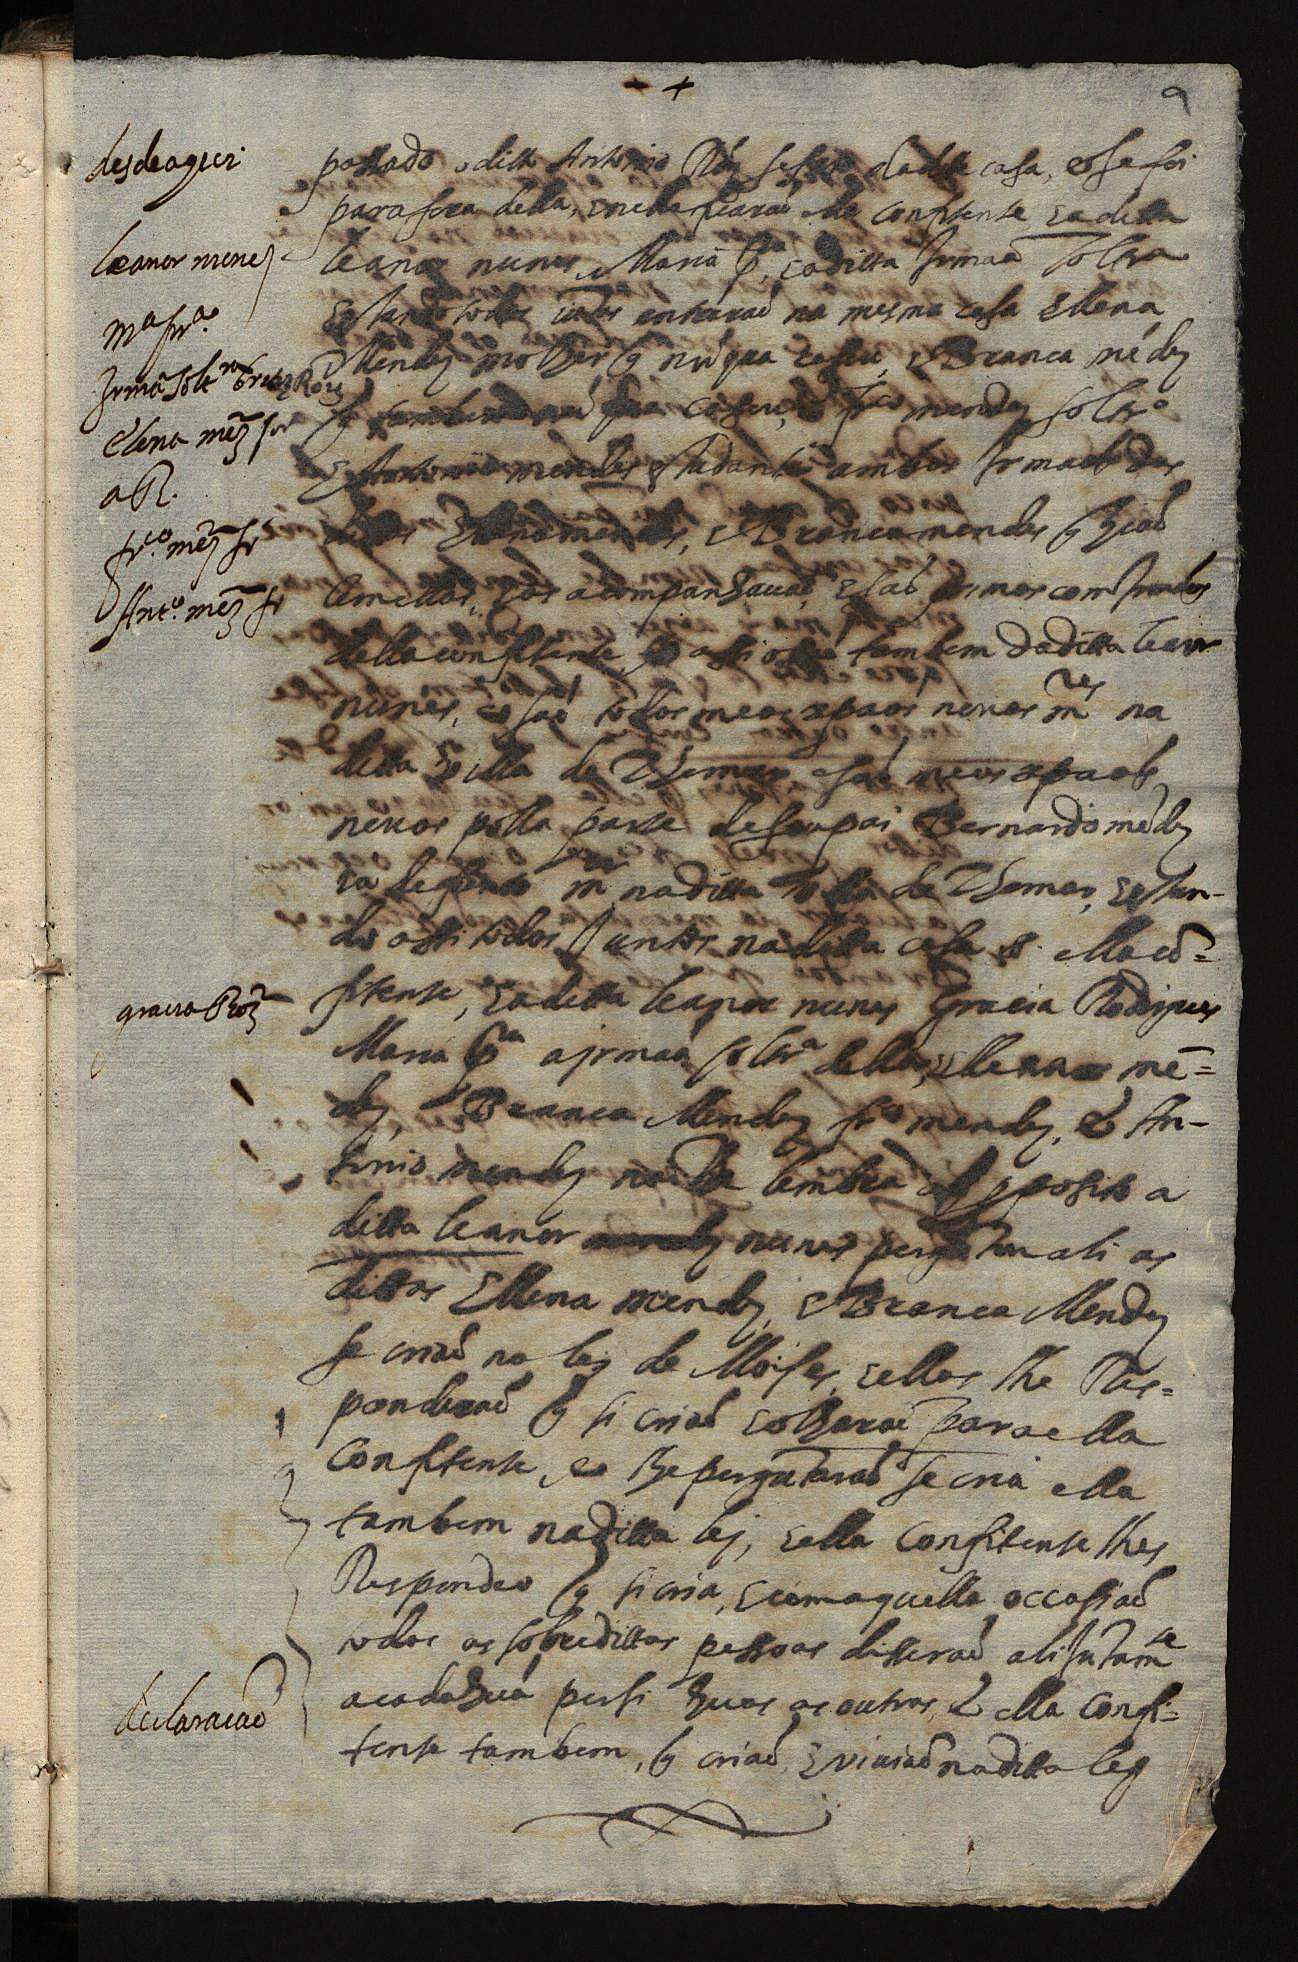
passado o ditto Antonio Roz̄ se foi da dita casa, e se foi
desde aqui
para fora della, e nella ficaraõ ella confitente E a ditta
Leanor nunes, Maria pra e a ditta Jrmaā soltra
leanor nunez
estando todas iūtas entraraõ na mesma casa Ellena
ma pra.
Mendez molher q̄ nūqua casou e Branca mēdez
Jrmā soltra britiz Roiz
Elena mez sor
q̄ tambem nūqua casara frco mendez soltro
E Antonio mendes estudante ambos Irmaõs das
a R.
ditas Ellena mendes E Branca mendes q̄ hiaõ
fr.co mez̄ jr
com ellas E as acompanhauaõ E saõ primos comJuntos
Ant.o mez jr
della confitente q̄ assi o saõ tambem da ditta leanor
nunes, e o saõ todos meos xpaõs nouos mres na
ditta villa de Thomar e saõ meos xpaõs
nouos polla parte de seu pai Bernardo mēdez
ia defunto mor na ditta villa de Thomar E estan
do assi todos Juntos na ditta casa & ella cō
fitente, E a ditta Leanor nunes Gracia Rodrigues
gracia Roīz
Maria pra a jrmaā soltra della Ellena mē
des Branca Mendez frco mendes, & An
tonio mendes naõ lhe lembra o _ ꝓposito a
ditta leanor mendez nunes pergūtou ali as
dittas Ellena mendez E Branca Mendez
se criaõ na ley de Moises E ellas lhe Res
ponderaõ q̄ si criaõ E olharaõ para ella
confitente, e lhe pergūtaraõ se cria ella
tambem na ditta lej, E ella confitente lhes
Respondeo q̄ si cria, E com aquella occasiaõ
todas as sobredittas pessoas disseraõ ali Jūtamte
a cada huā per si huas as outras, & ella confi
declaraçaõ
tente tambem, q̄ criaõ E viuiaõ na ditta ley
